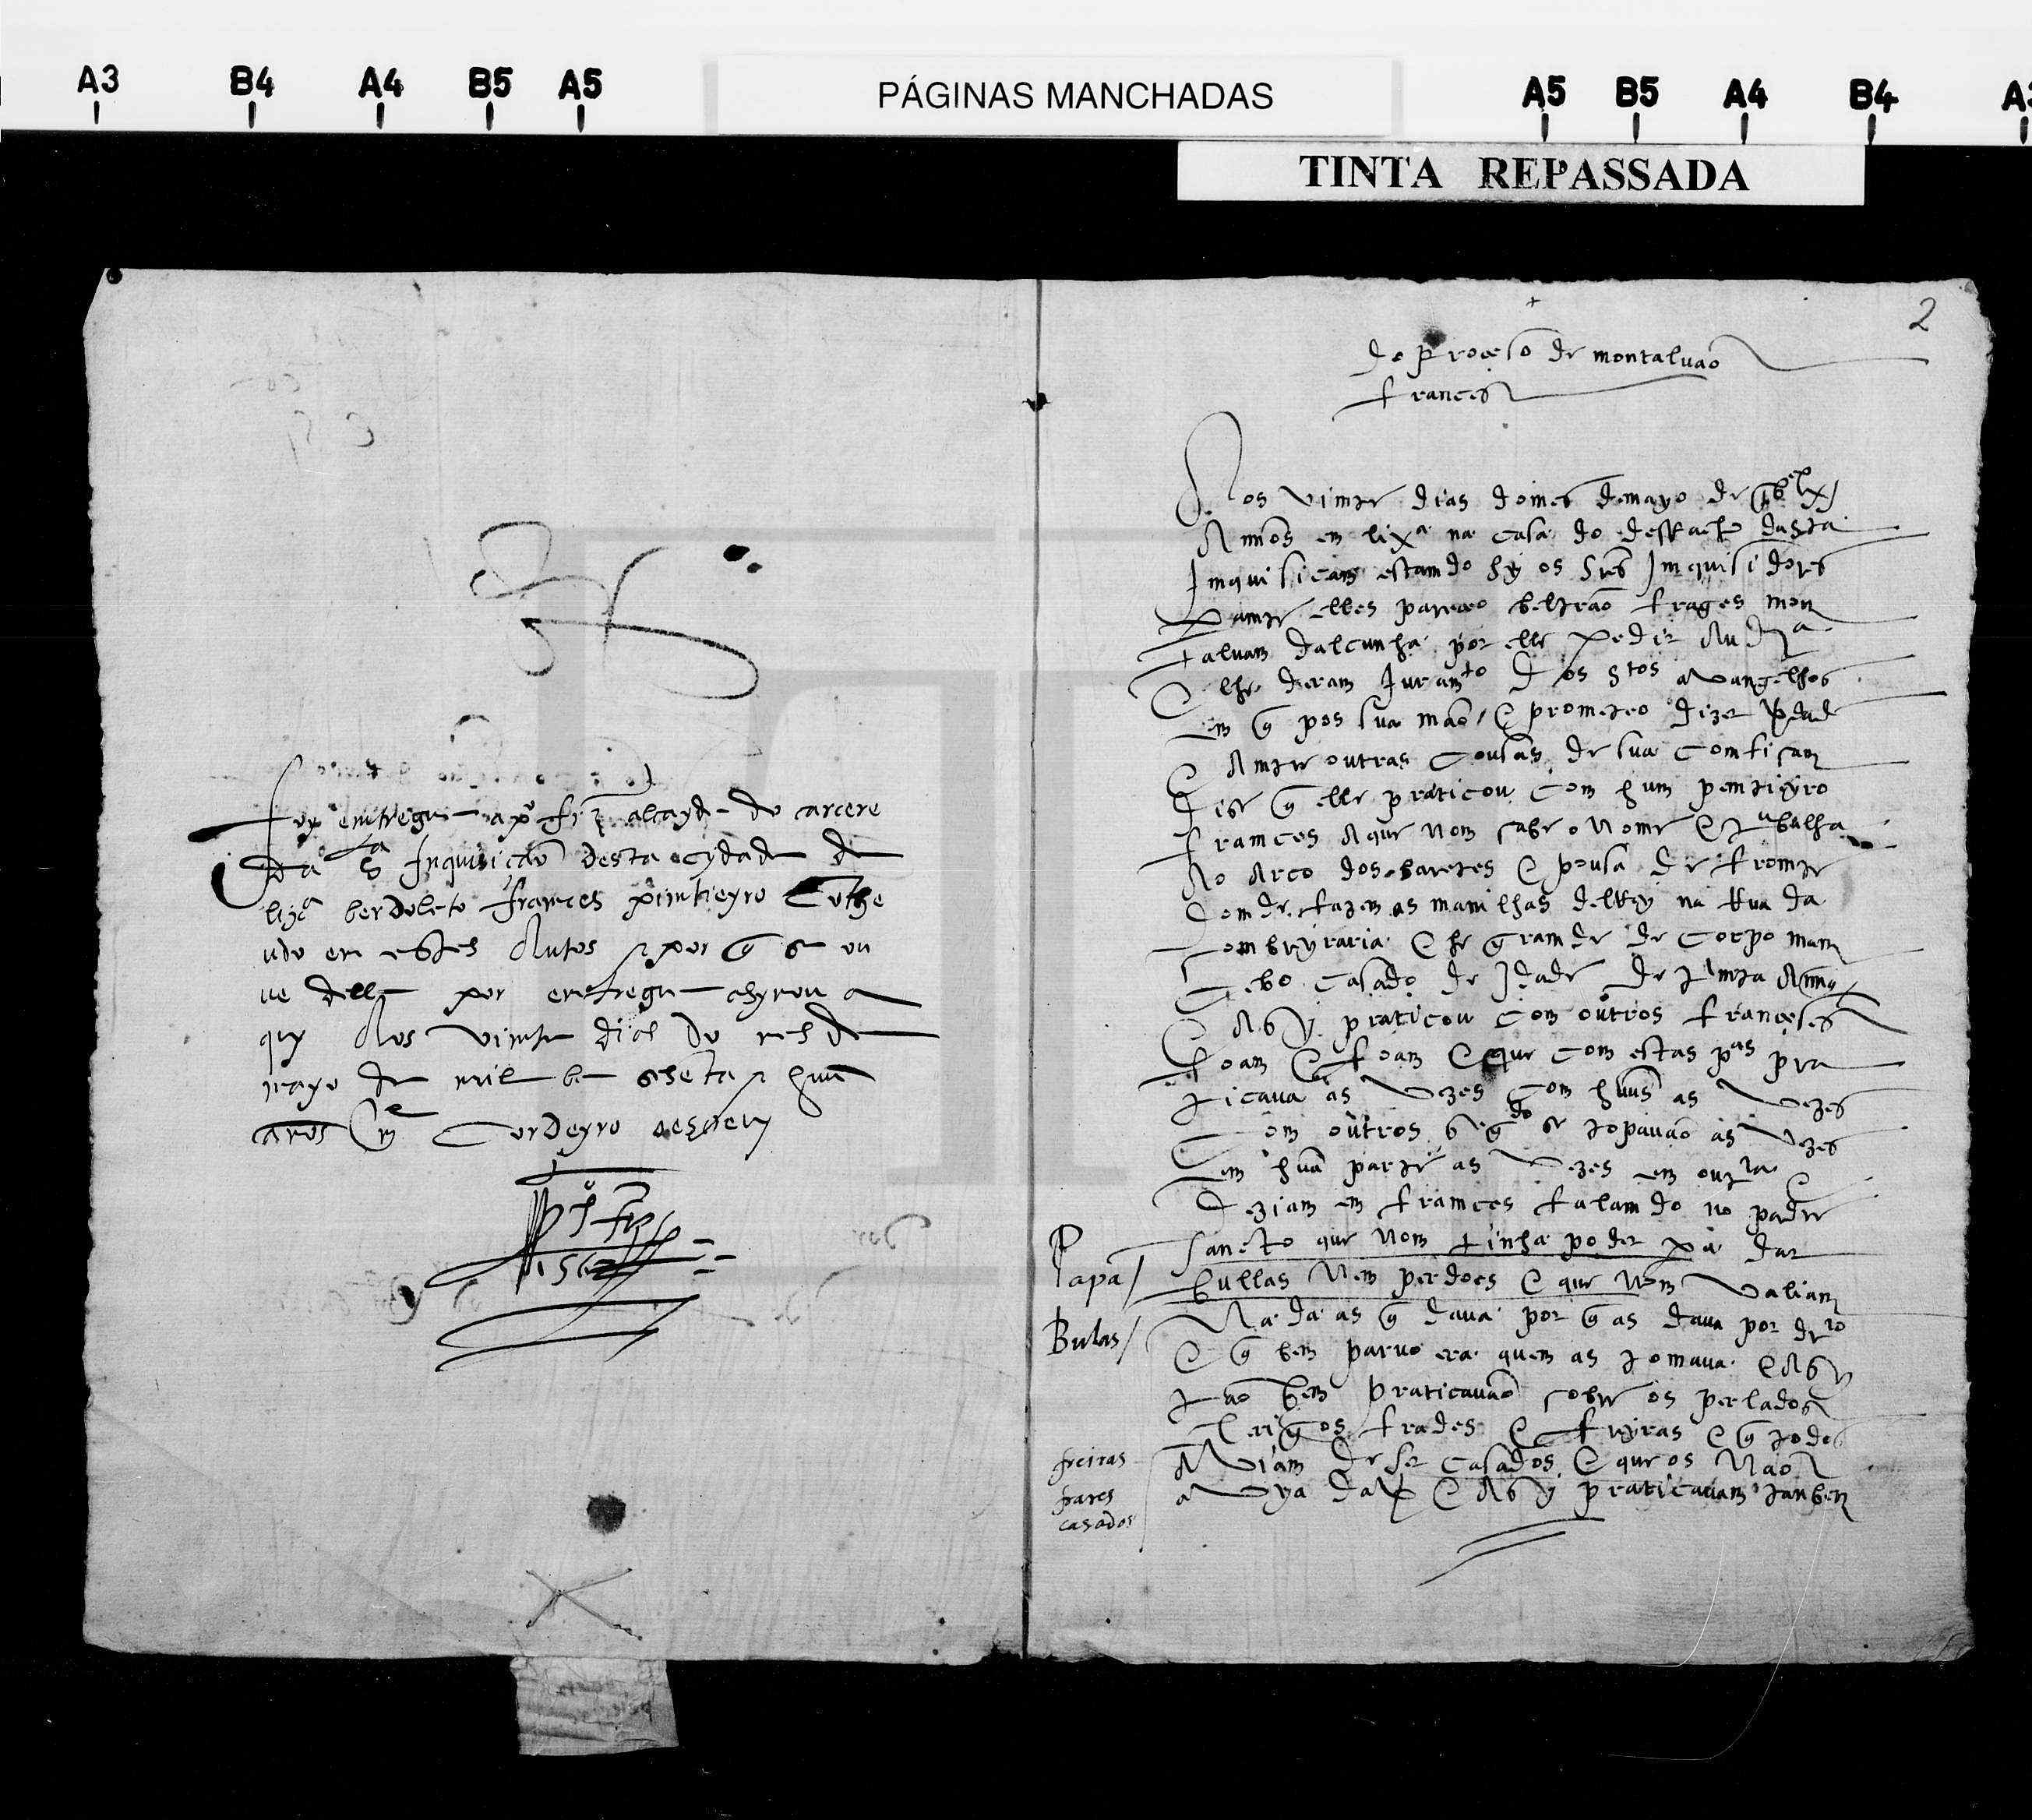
Foy emtregue a po frz̄ alcayde do carcere
da Sta Jnquisiçaõ desta cydade de
lixa berdoleto framces pimtieyro cōthe
udo em estes Autos e por q̅ se ou
ue delle por emtregue asynou a
quy Aos vimte dias do mes de
mayo de mil bc sesēta e huū
an̄os mel Cordeyro o escreuy
do proceso de montaluaõ
frances
Aos vimte dias do mes de mayo de j̄ bc lxj
Annos em lixa na casa do despacho da sta
Jmquisiçam estamdo hy os Srēs Jmquisidores
ꝑamte elles pareceo beltrão frages mon
taluam dalcunha por elle pedir Audja
e lhe deram Juramto dos Stos avangelhos
em q̄ pos sua mão / e prometeo dizer ꝟdade
e Amtre outras cousas de sua comfisam
dise q̅ elle praticou com hum pemtieyro
framces A que nom sabe o nome e tabalha
Ao Arco dos baretes e pousa defromte
domde fazem as manilhas del Rey na Rua da
sombryraria e he gramde de corpo mam
Cebo casado de Jdade de timta Annꝯ /
e Asy praticou com outros franceses
foam e foam e que com estas pas pra
ticaua as vezes com hūus as vezes
Com outros segdo se topauão as vezes
em hūa parte as vezes em outra e
deziam em framces falamdo no padre
sancto que nom tinha poder ꝑa dar
Papa
bullas nem perdoes e que nom valiam
Nada as q̅ daua porq̅ as daua por drro
Bulas
e q̄ bem paruo era quem as tomaua e Asy
tão bem praticauão sobre os perlados
Clerigos frades e freyras e q̅ todos
freiras
Aviam de ser casados e que os Naõ
avya daꝟ e Asy praticauam tanben
frares
casados
